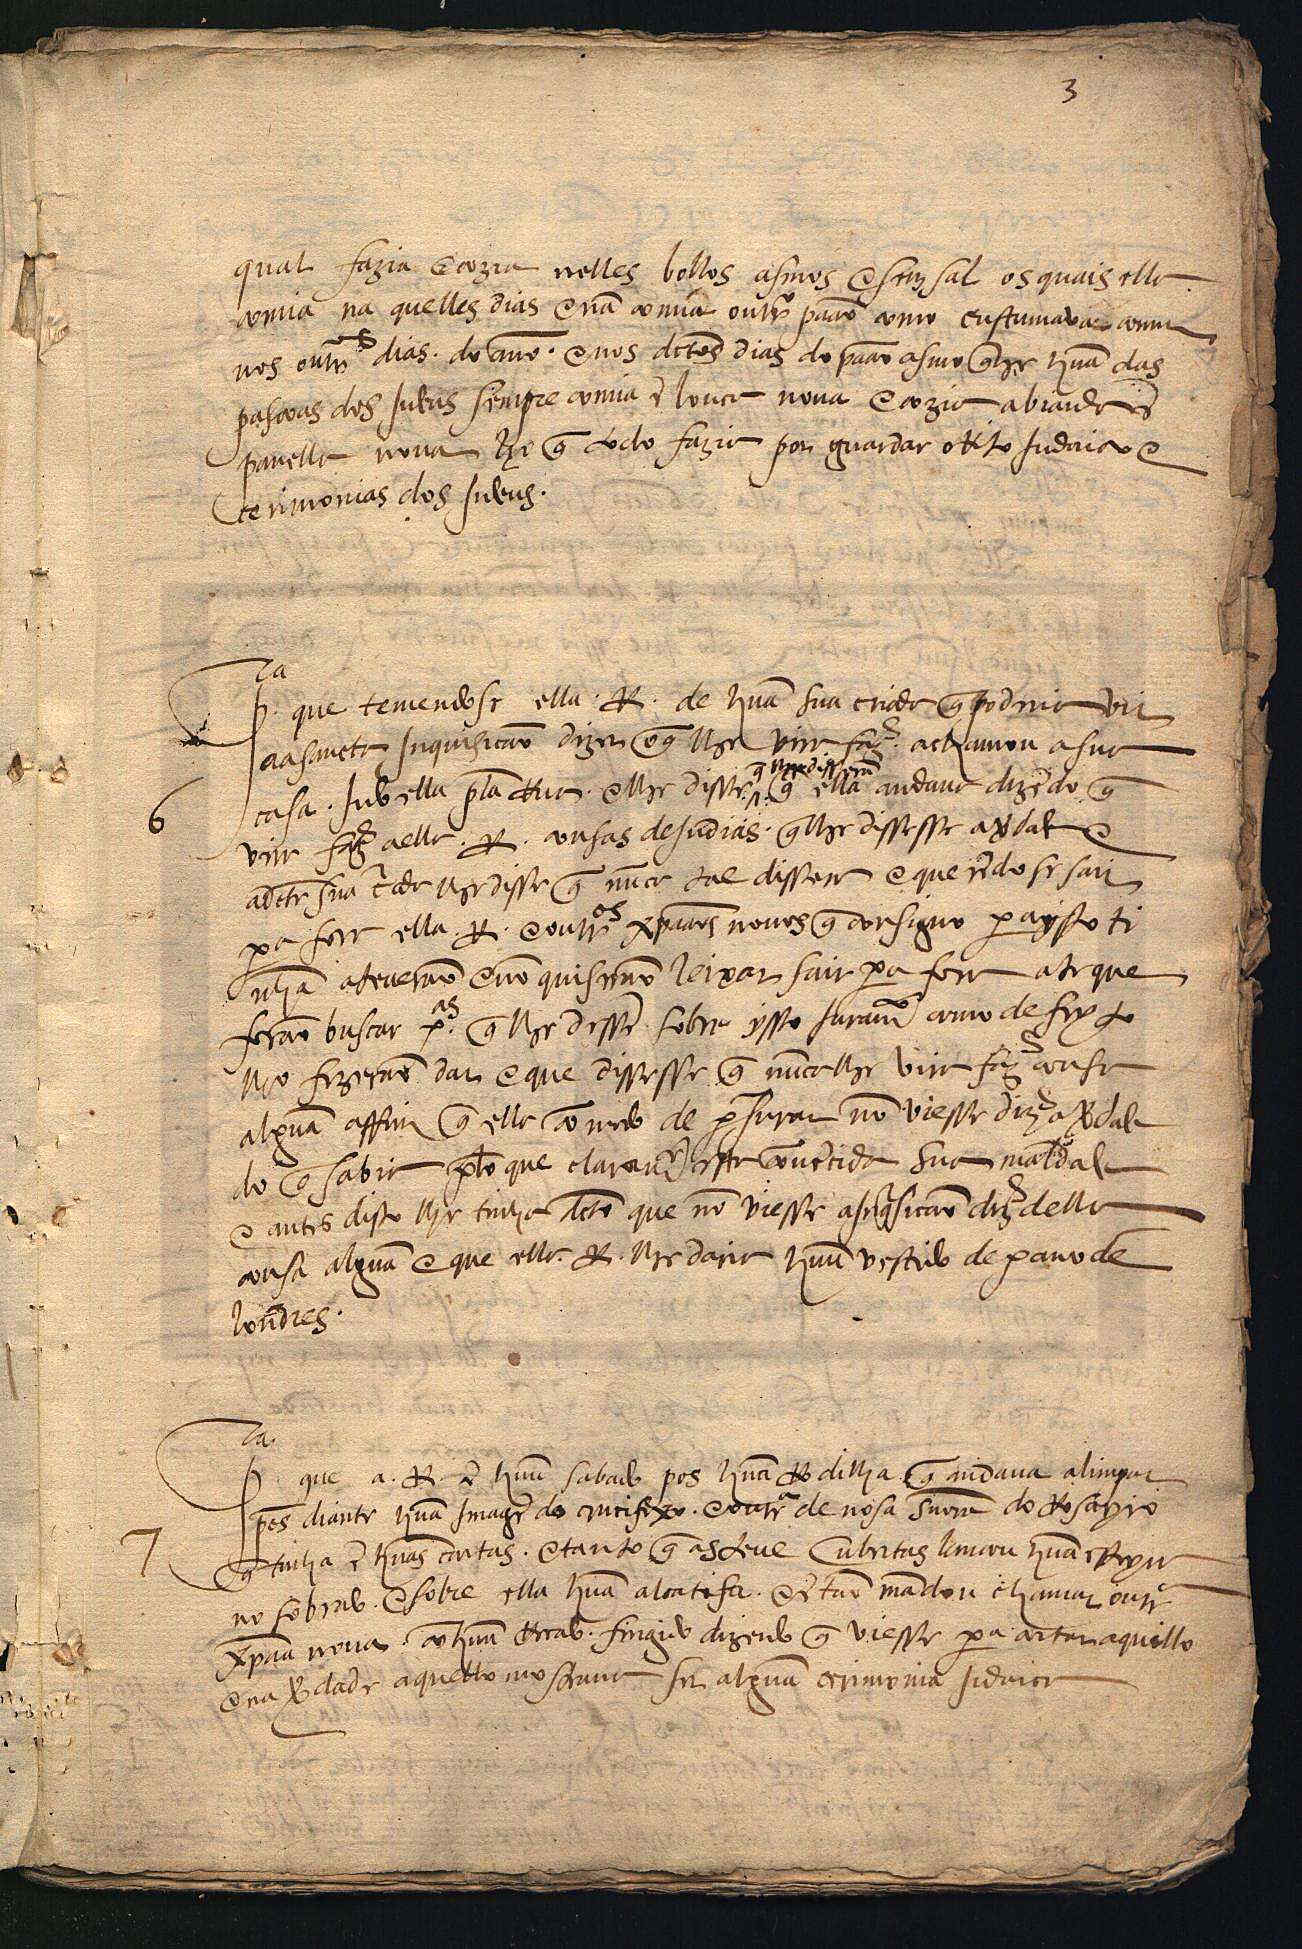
qual fazia e cozia nelles bollos asmos e sem sal os quais ella
comia na quelles dias e nā comia outro paão como custumava comer
nos outros dias. do āno. e nos dc̄tos dias do paão asmo q̄ he hūa das
pascoas dos Judeus sempre comia ē louca noua e cozia a vianda ē
panella noua ho q̄ todo fazia por guardar o Rito Judaico e
cerimonias dos Judeus.
Pra. que temendose ella .R. de hūa sua criada q̄ poderia vir
aa sancta Jnquisicão dizer o q̄ lhe vira faz̄. a chamou a sua
casa . Jndo ella p̄la Rua. e lhe disse
q̄ lhe disserā
q̄ ella andaua dizēdo q̄
vira faz̄ a ella .R. cousas de Judias . q̄ lhe dissesse a ꝟdade e
a d̄cta sua ciada lhe disse q̄ nūca tal dissera e querēdo se sair
ꝑa fora ella .R. e outros Xpaãos nouos q̄ consiguo ꝑa ysto ti
nhā a teuerão e n̄o quiserão leixar sair ꝑa fora ate que
forão buscar pa.s q̄ lhe dessē sobre ysso Juramto como de feyto
lho fizerão dar e que dissesse q̄ nūca lhe vira faz̄ cousa
algūa a ffim q̄ ella c̄o medo de ꝑJurar n̄o viesse diz̄ a ꝟdade
do q̄ sabia p̄lo que claramte esta c̄ouēcida sua maldade
e antes disto lhe tinha d̄cto que nō viesse a Jnqisicão diz̄ della
cousa algūa e que ella .R. lhe daria hūu vestido de pano de
londres.
Pra que a .R. ē hūu sabado pos hūa Rodilha q̄ andaua a limpar
p̄os diante hūa Jmagē do crucifixo. e outra de nosa S̄nora do Rosayro
q̄ tinha ē hūas cartas . e tanto q̄ as teue Cubertas lancou h̄ua esteyra
no sobrado. e sobre ella hūa alcatifa. e ētão m̄adou chamar outra
Xpāa noua c̄o hūu Recado. fingindo dizendo q̄ viesse ꝑa cortar aquillo
e na ꝟdade aquello mostraua ser algūa cerimonia Judaica
